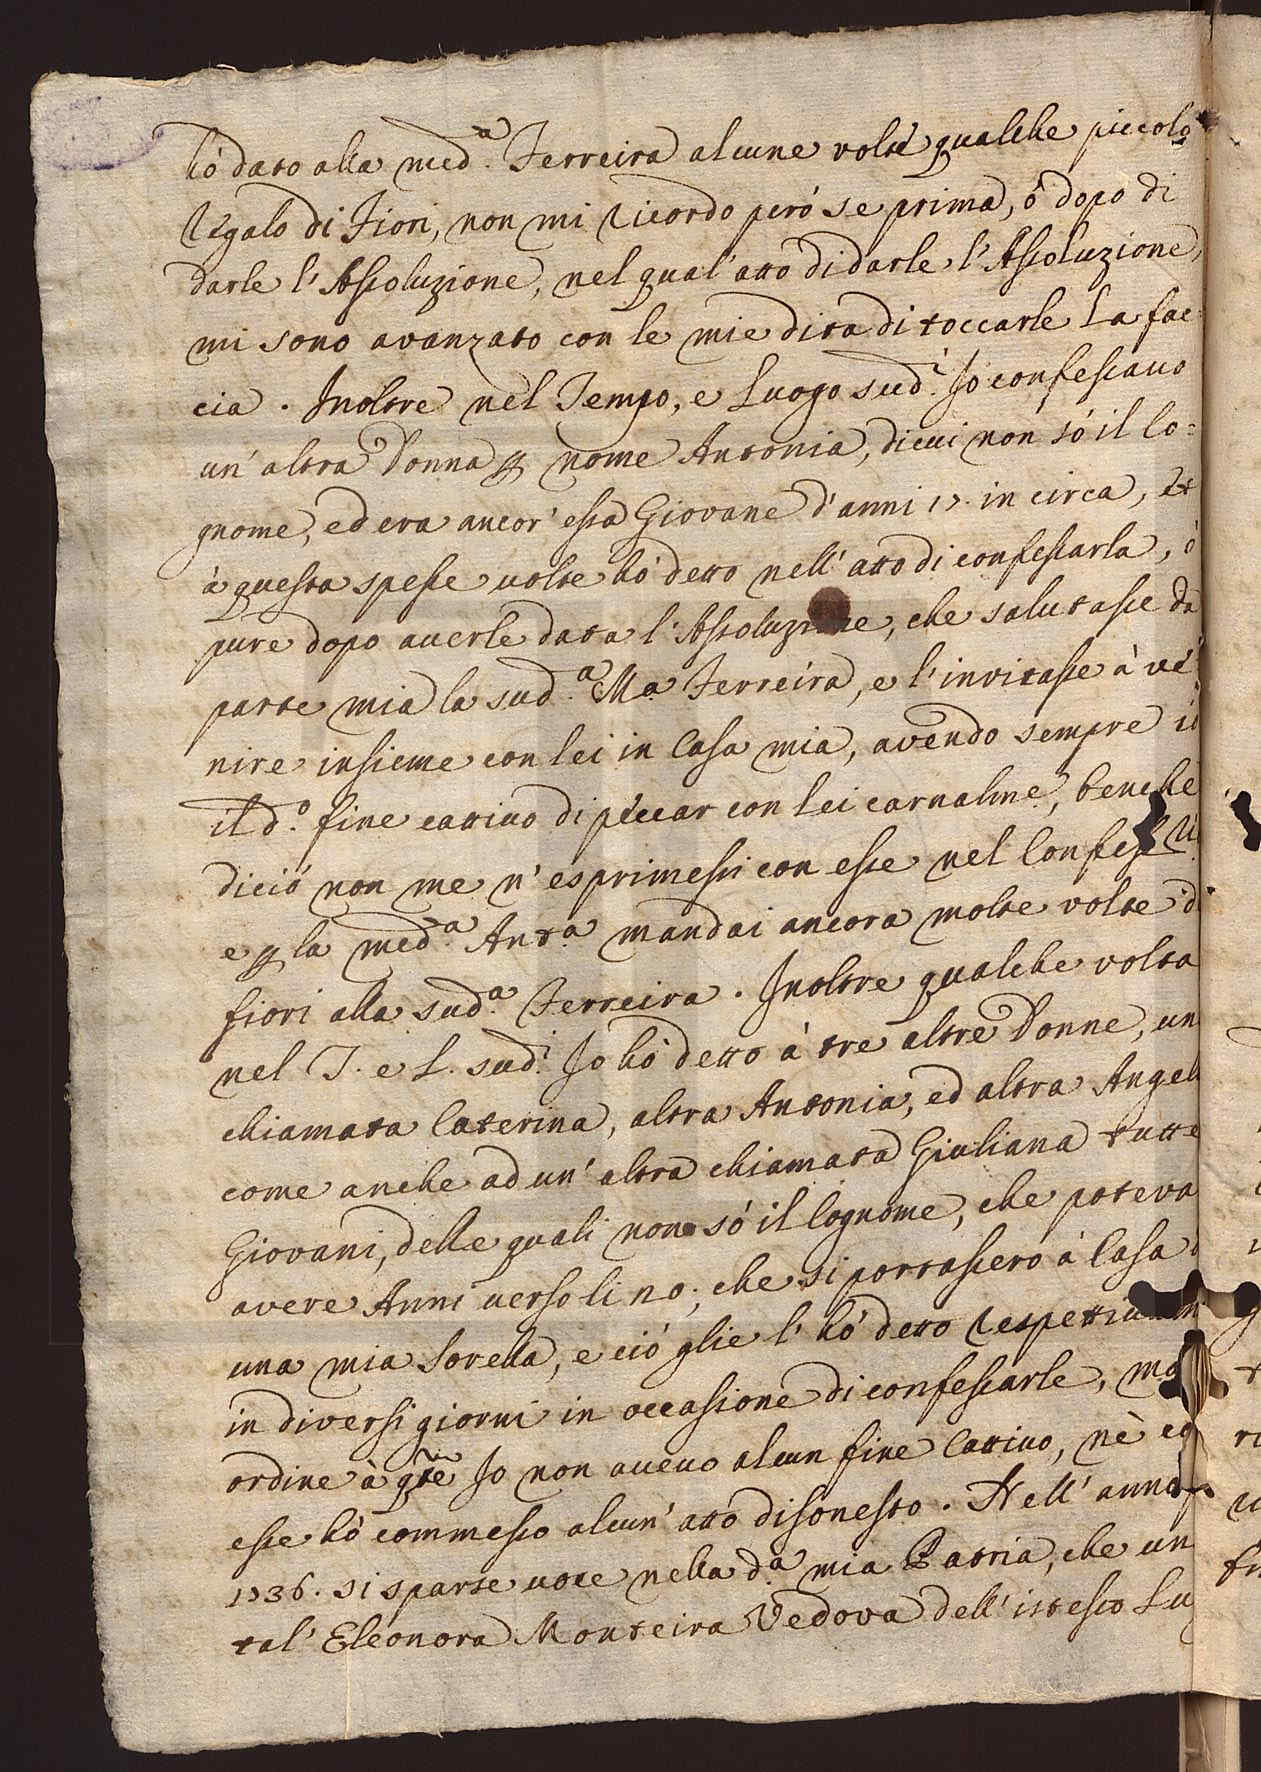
lo dato alla med.a Ferreira alcune volté qualche piccolo
Regalo di Fiori, non mi ricordo peró se prima, ó dopo di
darle l'Assoluzione, nel qual'atto didarle l'Assoluzione,
mi sono avanzato con le mie dita di toccarle La fac
cia. Inoltre nel Tempo, e Luogo sudr Jo confessauo
un'altra Donna ꝑ nome Antonia, dicui non so'il Co
gnome, ed era ancor'essa Giovane d'anni 17. in circa, et
á questa spesse uolte hó detto nell'atto di confessarla, ó
pure dopo auerle data l'Assoluzi__e, che salutasse da
parte mia la sud.a Ma. Ferreira, e l'invitasse à vé
nire insieme con lei in Casa mia, avendo sempre io
il d.o fine cattiuo di peccar con lei carnalme., benche
dició non me n'esprimessi con esse nel Confesri._
e ꝑ la meda. Anta. mandai ancora molte volte d_
fiori alla sud.a Ferreira. Jn oltre qualche volta
nel I. e L. sud.i Jo hó detto à tre altre Donne, un
chiamata Caterina, altra Antonia, ed altra Angel_
come anche ad un'altra chiamata Giuliana tutte
Giovani, delle quali non só il Cognome, che poteva
avere Anni uerso li no; che si portassero á Casa _
una mia Sorella, e ció glie l'hó detto respettiu_
in diversi giorni in occasione di confessarle, m_
ordine à qtē Jo non aueuo alcun fine Cattiuo, nē c_
esse hó commesso alcun'atto disonesto. Nell'anno _
1736. si sparse uoce nella d.a mia Patria, che un
tal'Eleonora Monteira Vedova dell'istesso Lu
